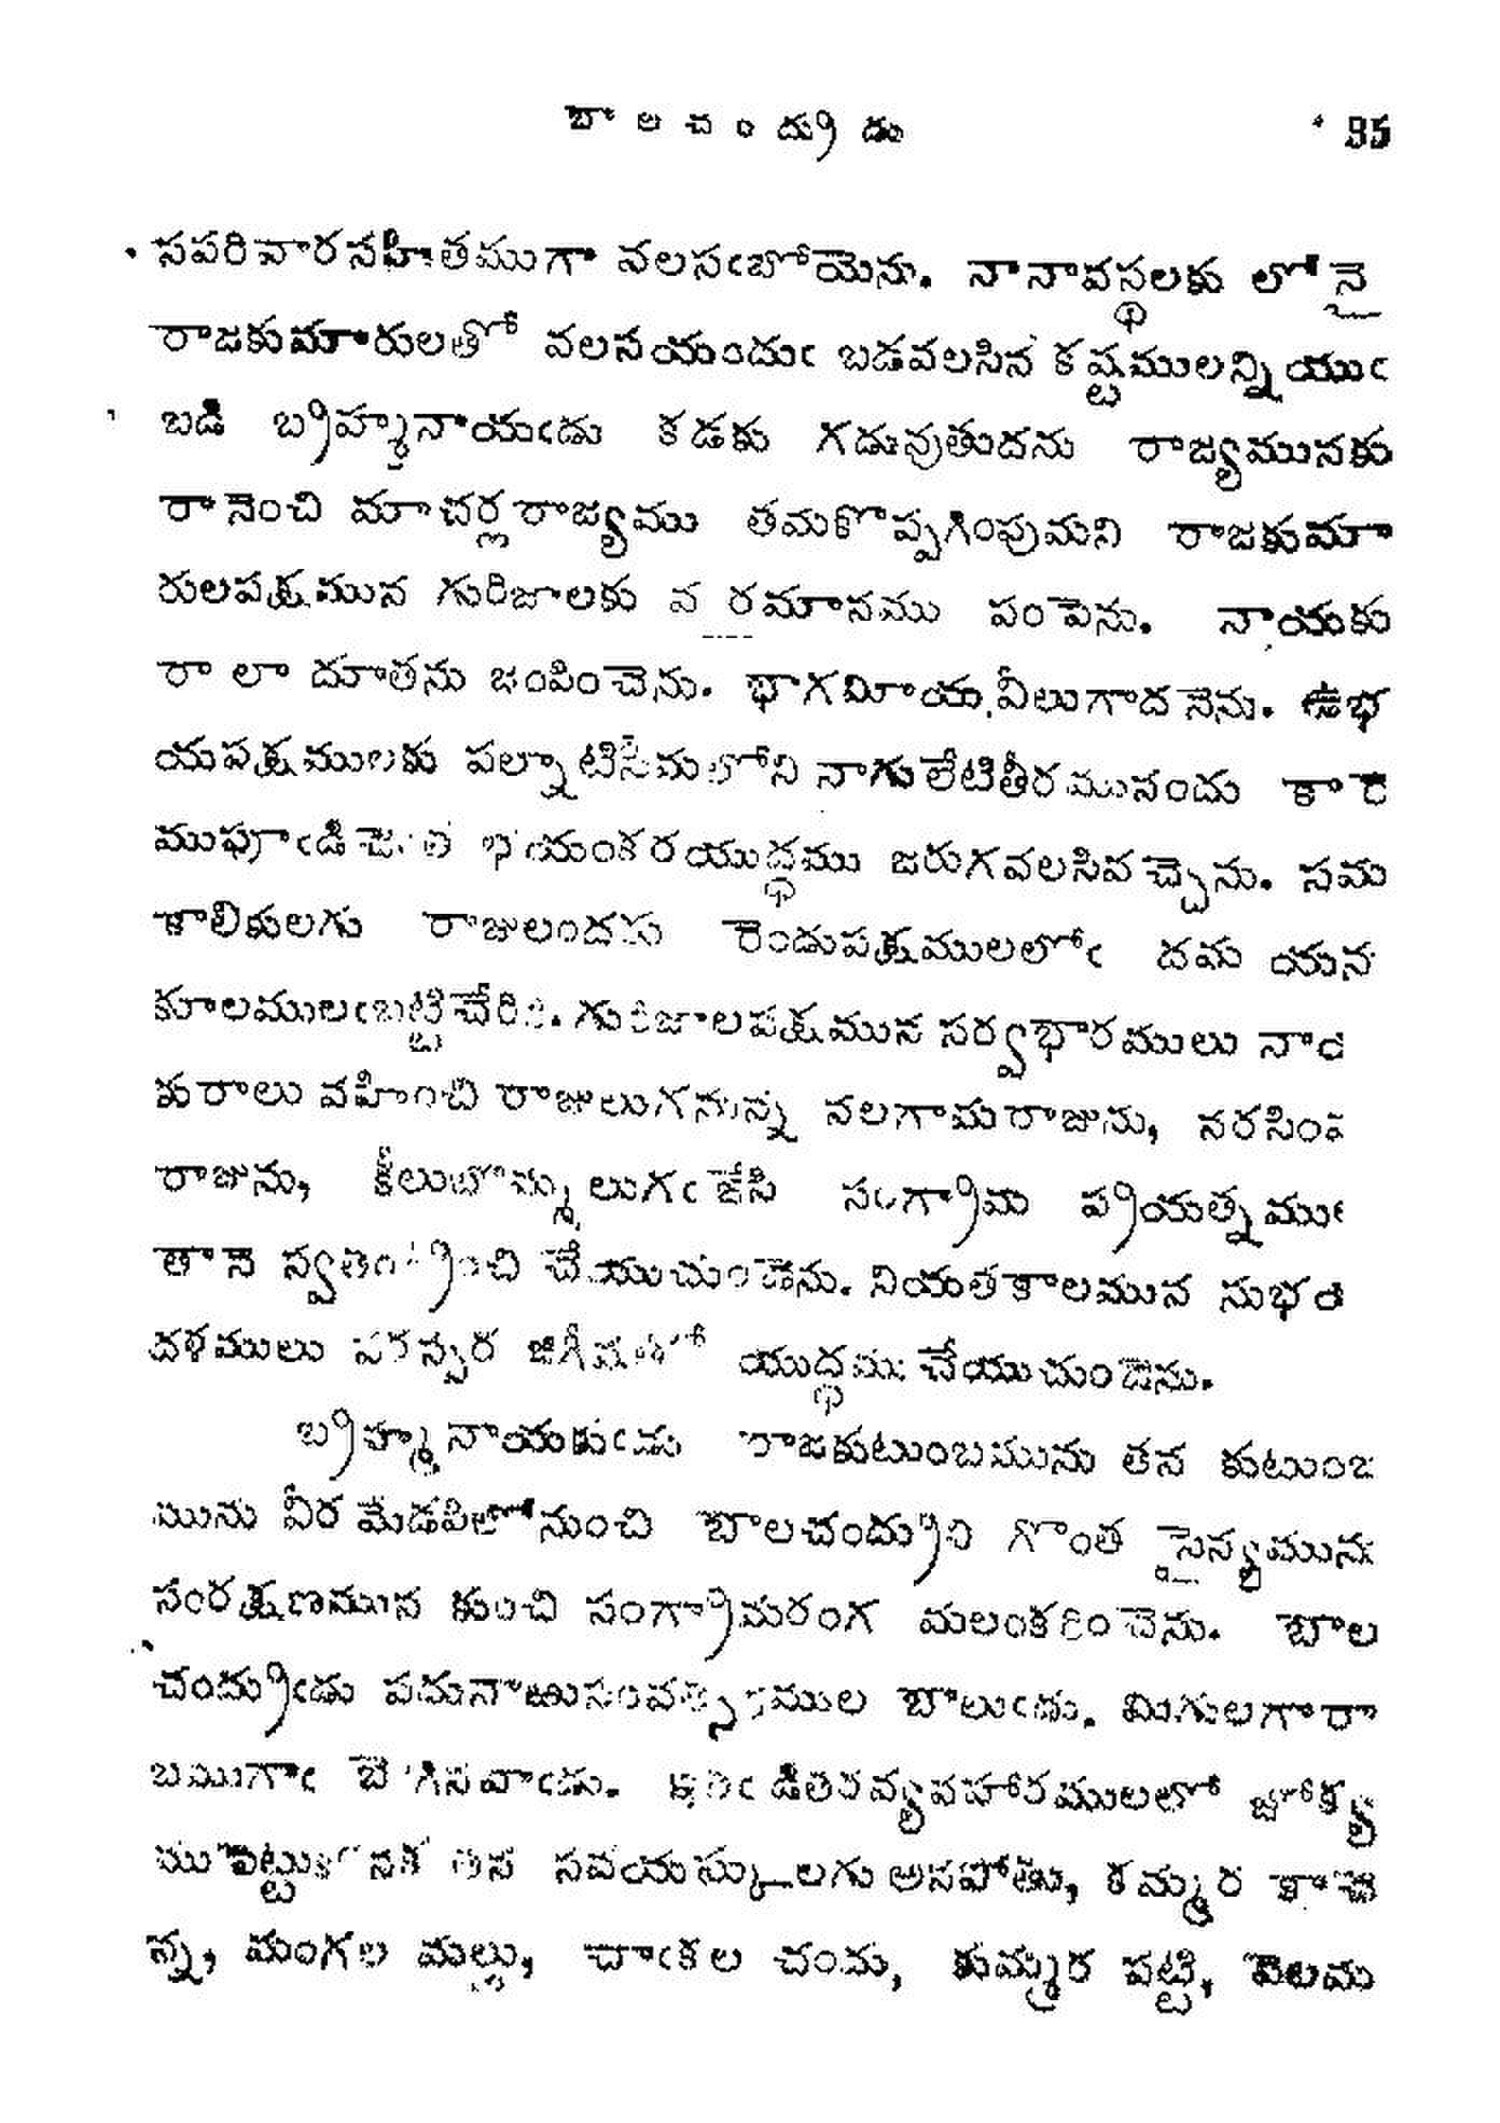సపరివారసహితముగా వలసబోయెను. నానావస్థలకు లోనై రాజకుమారులతో వలసయందు బడవలసిన కష్టములన్నియు బడి బ్రహ్మనాయడు కడకు గడువుతుదను రాజ్యమునకు రానెంచి మాచర్లరాజ్యము తమకొప్పగింపుమని రాజకుమారులపక్షమున గురిజాలకు వర్తమానము పంపెను. నాయకురా లా దూతను జంపించెను. భాగమీయ వీలుగాదనెను. ఉభయపక్షములకు పల్నాటిసీమలోని నాగులేటి తీరమునందు కారెముపూడిచెంత భయంకర యుద్ధము జరుగవలసివచ్చెను. సమకాలికులగు రాజులందరు రెండుపక్షములలో దమ యన కూలములబట్టిచేరిరి. గురిజాల పక్షమున సర్వభారములు నాయకురాలు వహించి రాజులుగనున్న నలగామరాజును, నరసింహ రాజును, కీలుబొమ్మలుగ జేసి సంగ్రామ ప్రయత్నములు తానె స్వతంత్రించి చేయుచుండెను. నియతకాలమున నుభయ దళములు పరస్పర జిగీషతో యుద్ధము చేయుచుండెను.

బ్రహ్మనాయకుడు రాజకుటుంబమును తన కుటుంబమును వీర మేడపిలోనుంచి బాలచంద్రుని గొంత సైన్యమును సంరక్షణమున కుంచి సంగ్రామరంగ మలంకరించెను. బాలచంద్రుడు పదునాఱుసంవత్సరముల బాలుడు. మిగులగారాబముగా బెరిగినవాడు. ఇత డితరవ్యవహారములలో జోక్యము పెట్టుకొనక తన సవయస్కులగు అనపోతు, కమ్మర కాచెన్న, మంగల మల్లు, చాకల చందు, కుమ్మర పట్టి, వెలమ